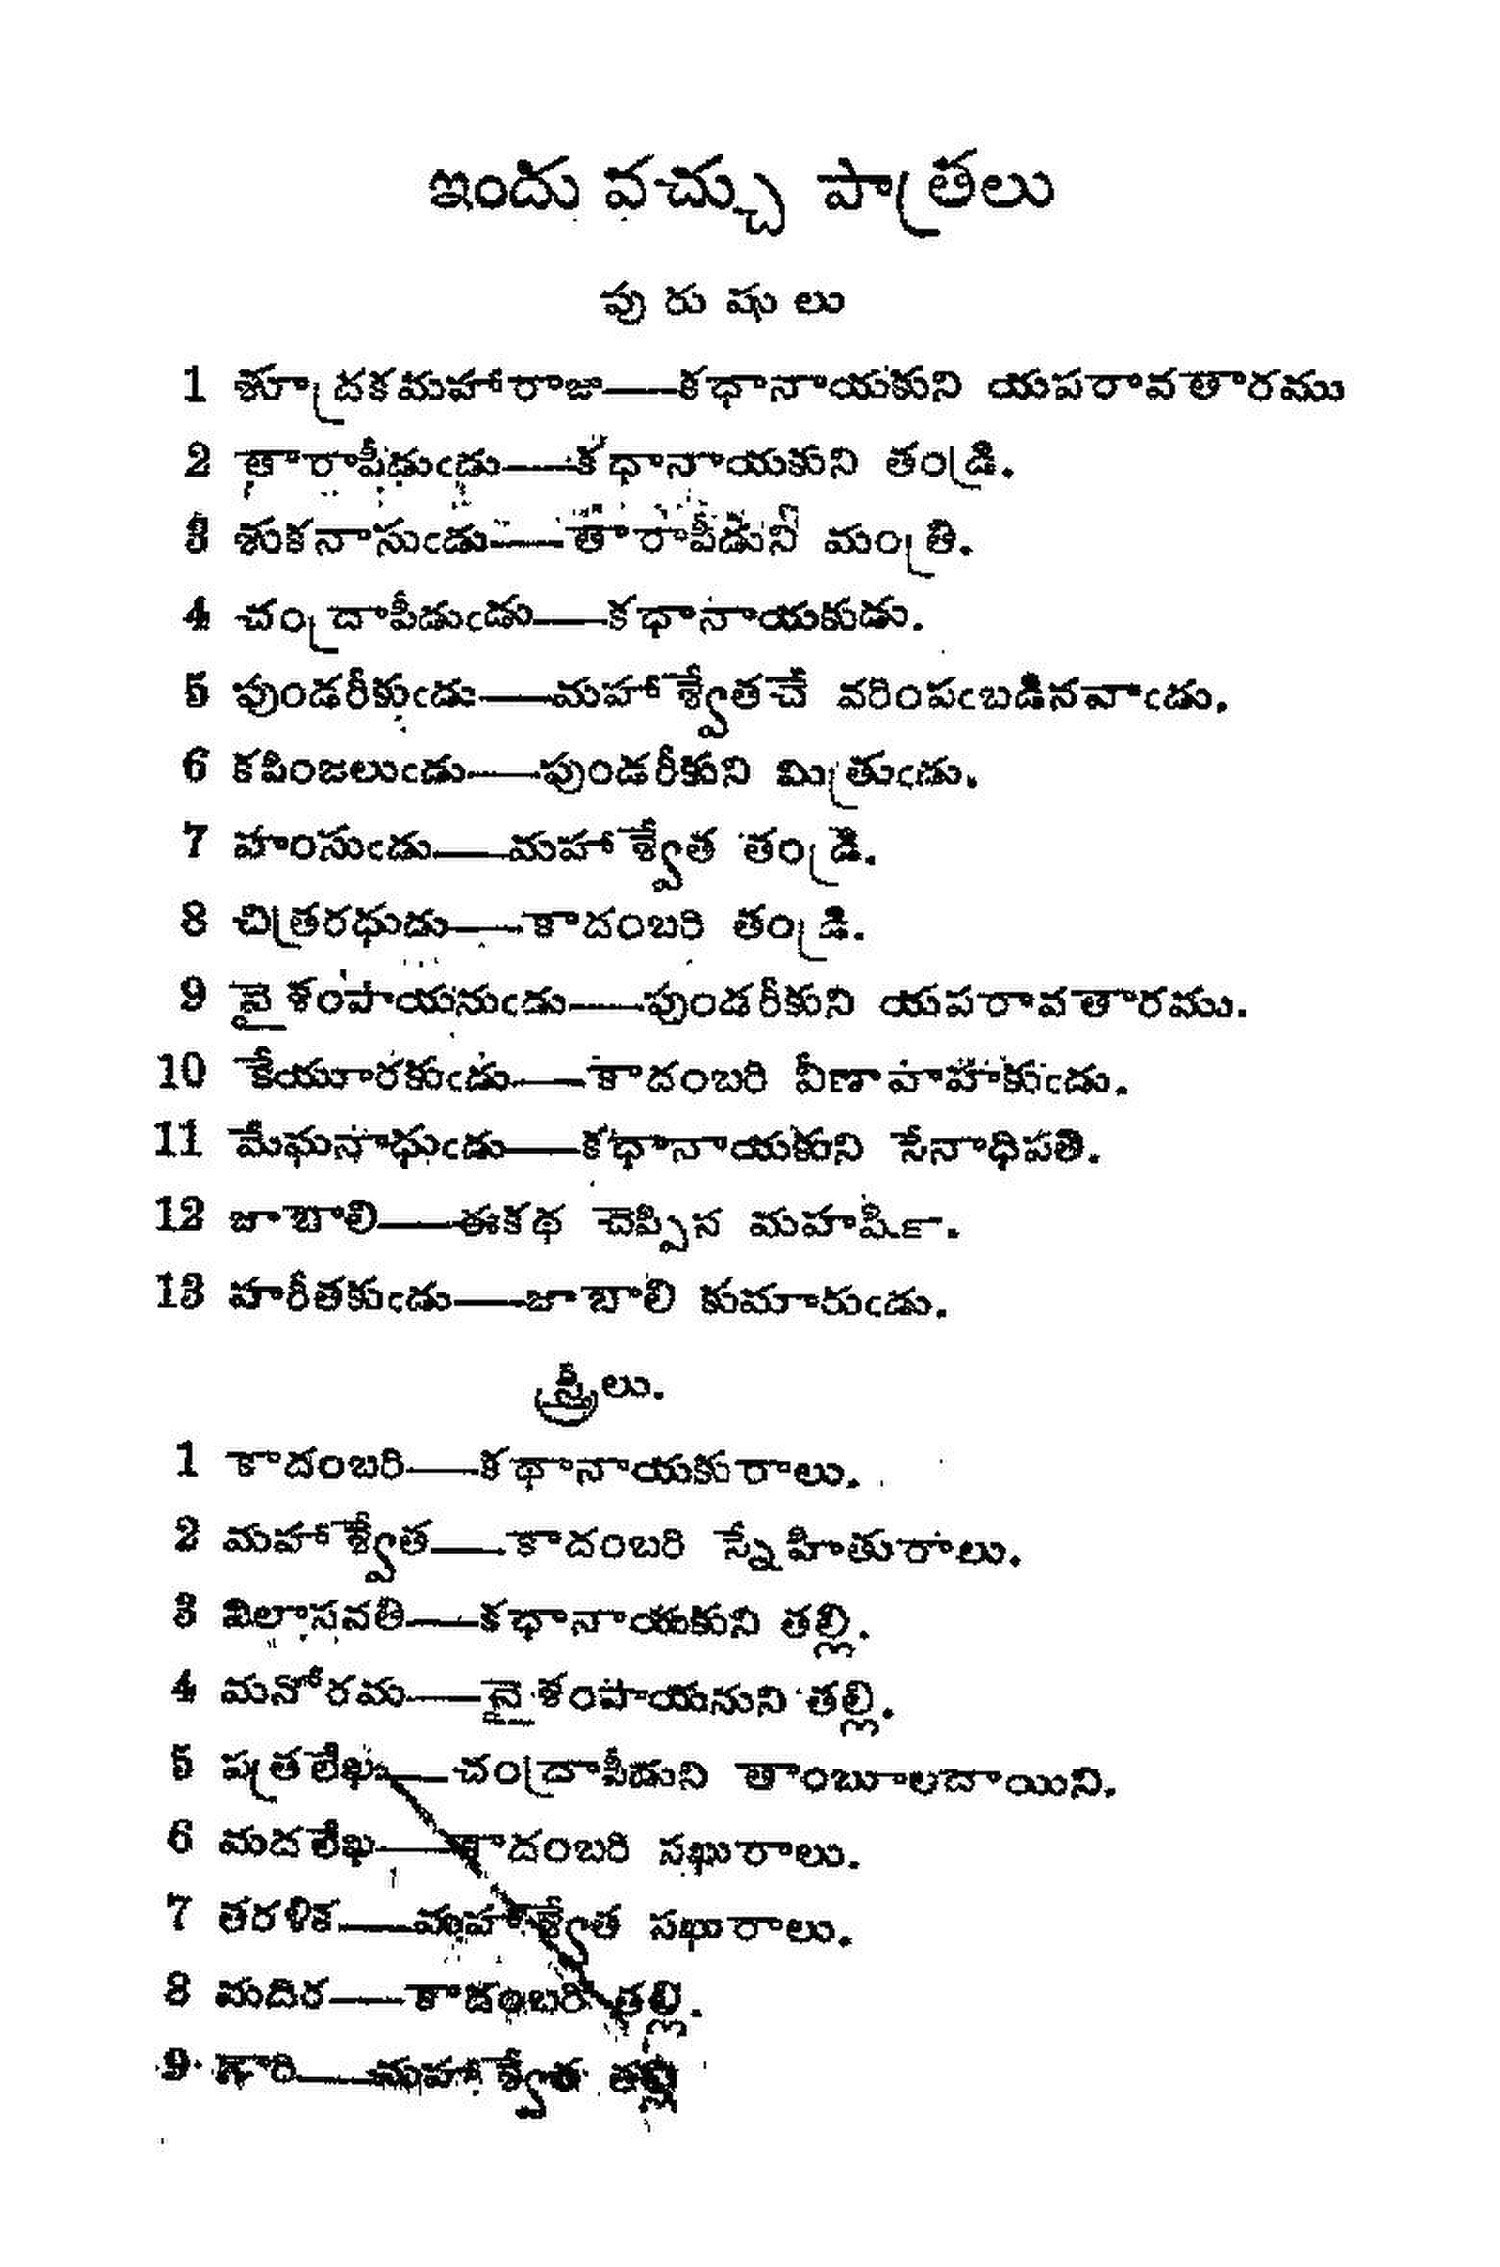ఇందు వచ్చు పాత్రలు

పురుషులు

1. శూద్రకమహారాజు - కథానాయకుని యపరావతారము
2. తారాపీడుఁడు - కథానాయకునితండ్రి.
3. శుకనాసుఁడు - తారాపీడుని మంత్రి
4. చంద్రాపీడుఁడు - కథానాయకుడు.
5. పుండరీకుఁడు - మహాశ్వేతచే వరింపఁబడినవాఁడు.
6. కపింజలుఁడు - పుండరీకుని మిత్రుఁడు
7. హంసుఁడు - మహాశ్వేత తండ్రి
8. చిత్రరధుడు - కాదంబరి తండ్రి.
9. వైశంపాయనుఁడు - పుండరీకుని యపరావతారము.
10. కేయూరకుఁడు - కాదంబరి వీణావాహకుఁడు.
11. మేఘనాధుఁడు - కథానాయకుని సేనాధిపతి.
12. జాబాలి - ఈకథ చెప్పిన మహషి౯.
13. హరీతకుఁడు - జాబాలి కుమారుఁడు.

స్త్రీలు.

1. కాదంబరి - కథానాయకురాలు.
2. మహాశ్వేత - కాదంబరి స్నేహితురాలు.
3. విలాసవతి - కథానాయకుని తల్లి.
4. మనోరమ - వైశంపాయనుని తల్లి.
5. పత్రలేఖ - చంద్రాపీడుని తాంబూలదాయిని.
6. మదలేఖ - కాదంబరి సఖురాలు.
7. తరళిక - మహాశ్వేత సఖురాలు.
8. మదిర - కాదంబరి తల్లి.
9. గౌరి - మహాశ్వేత తల్లి.